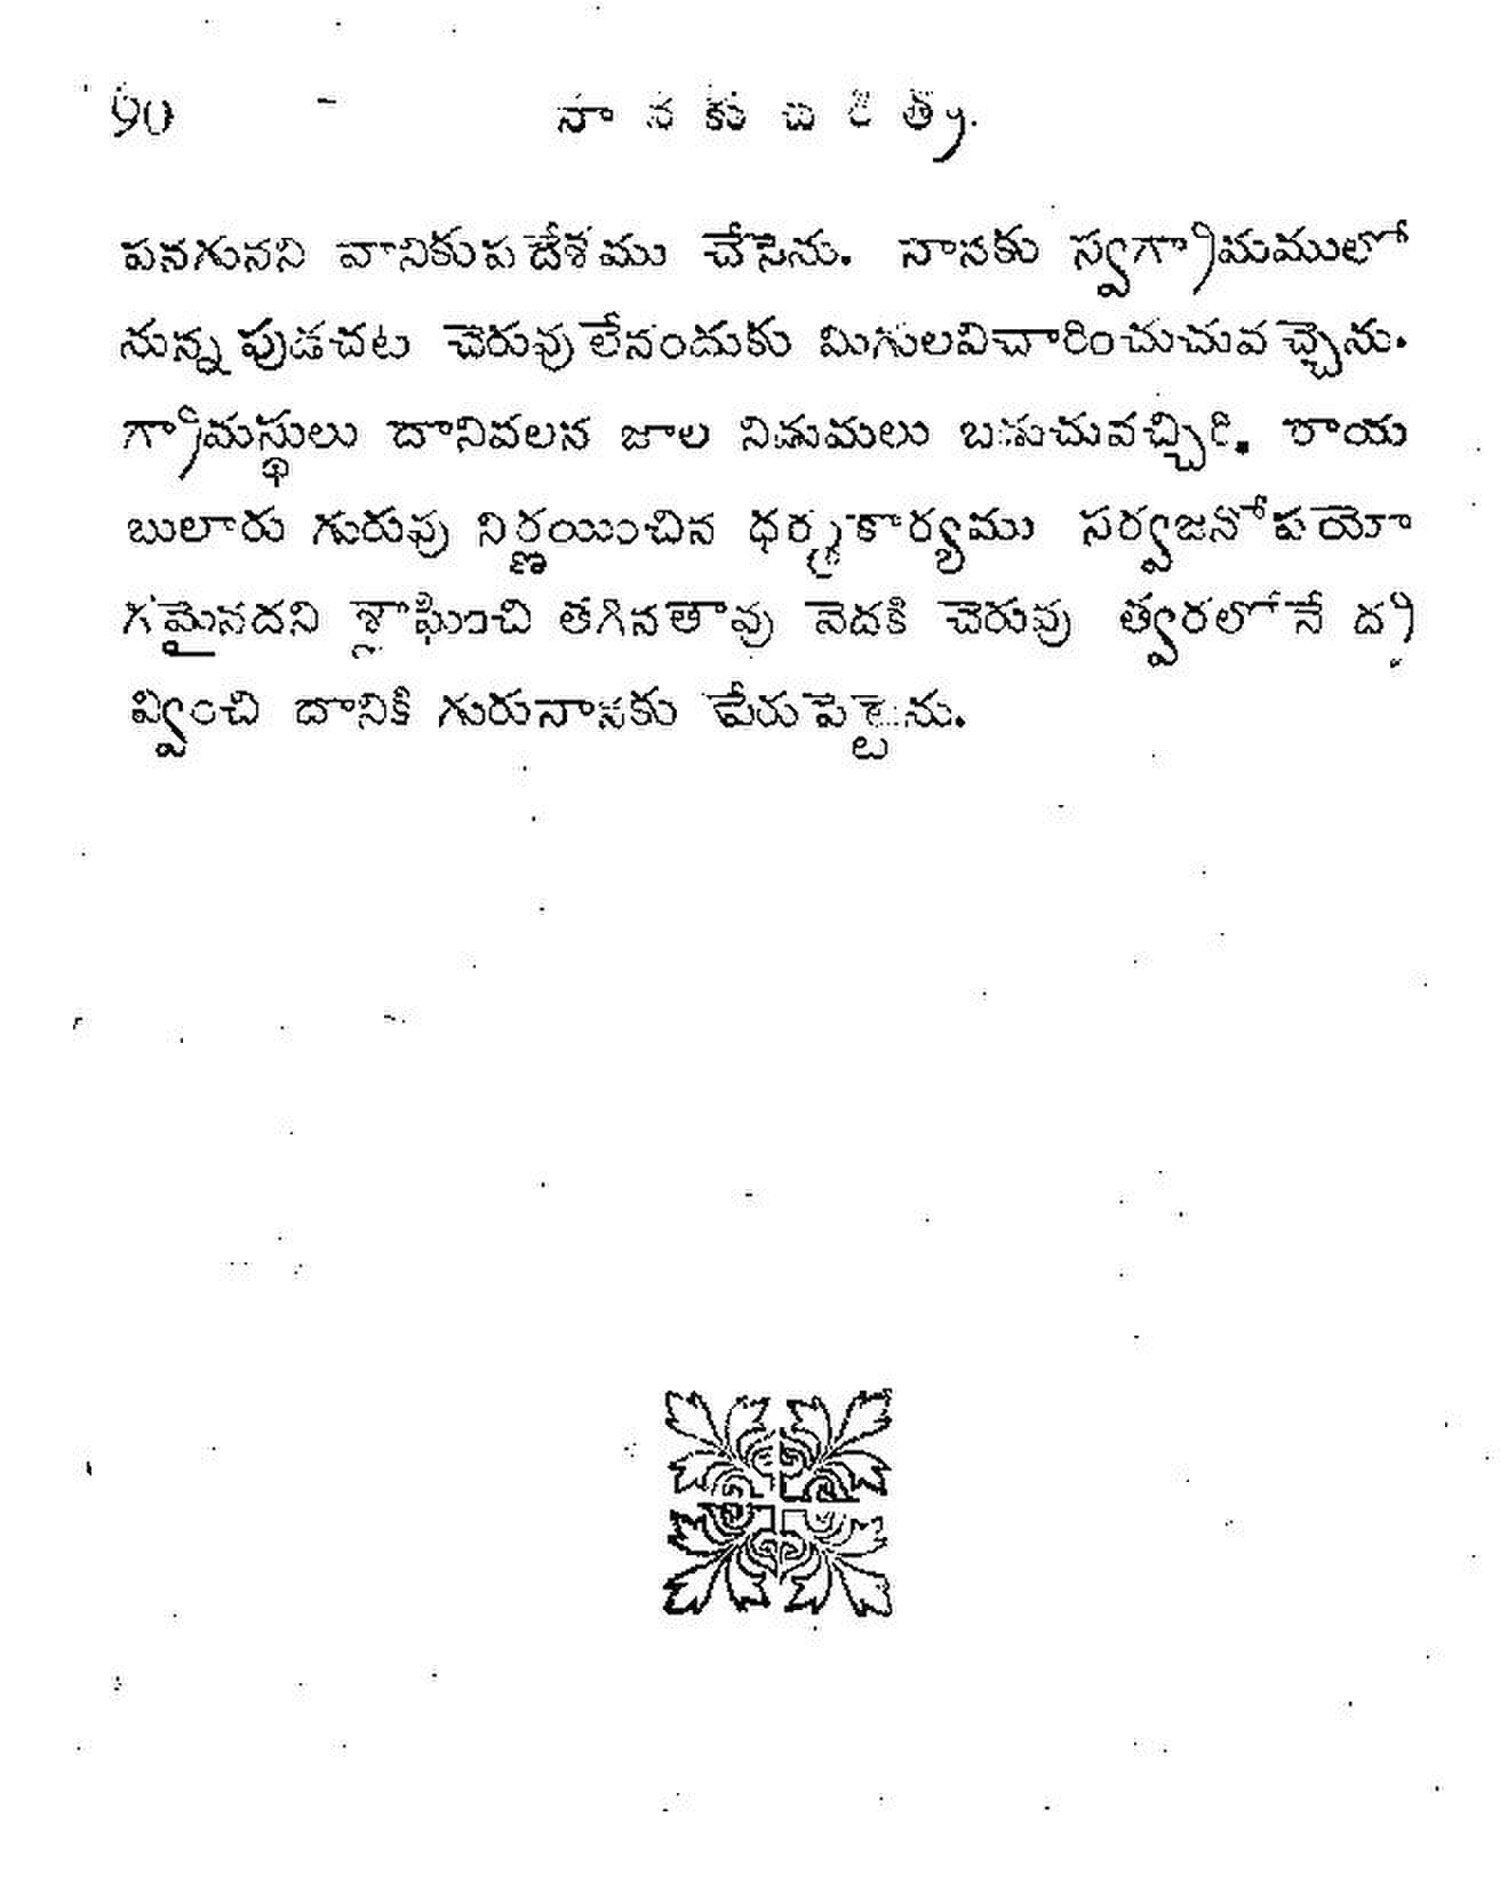పనగునని వానికుపదేశము చేసెను. నానకు స్వగ్రామములో నున్నపుడచట చెరువులేనందుకు మిగులవిచారించుచువచ్చెను. గ్రామస్థులు దానివలన జాల నిడుమలు బడుచువచ్చిరి. రాయబులారు గురువు నిర్ణయించిన ధర్మకార్యము సర్వజనోపయోగమైదని శ్లాఘించి తగినతావు వెదకి చెరువు త్వరలోనే ద్రవ్వించి దానికి గురునానకు పేరుపెట్టెను.